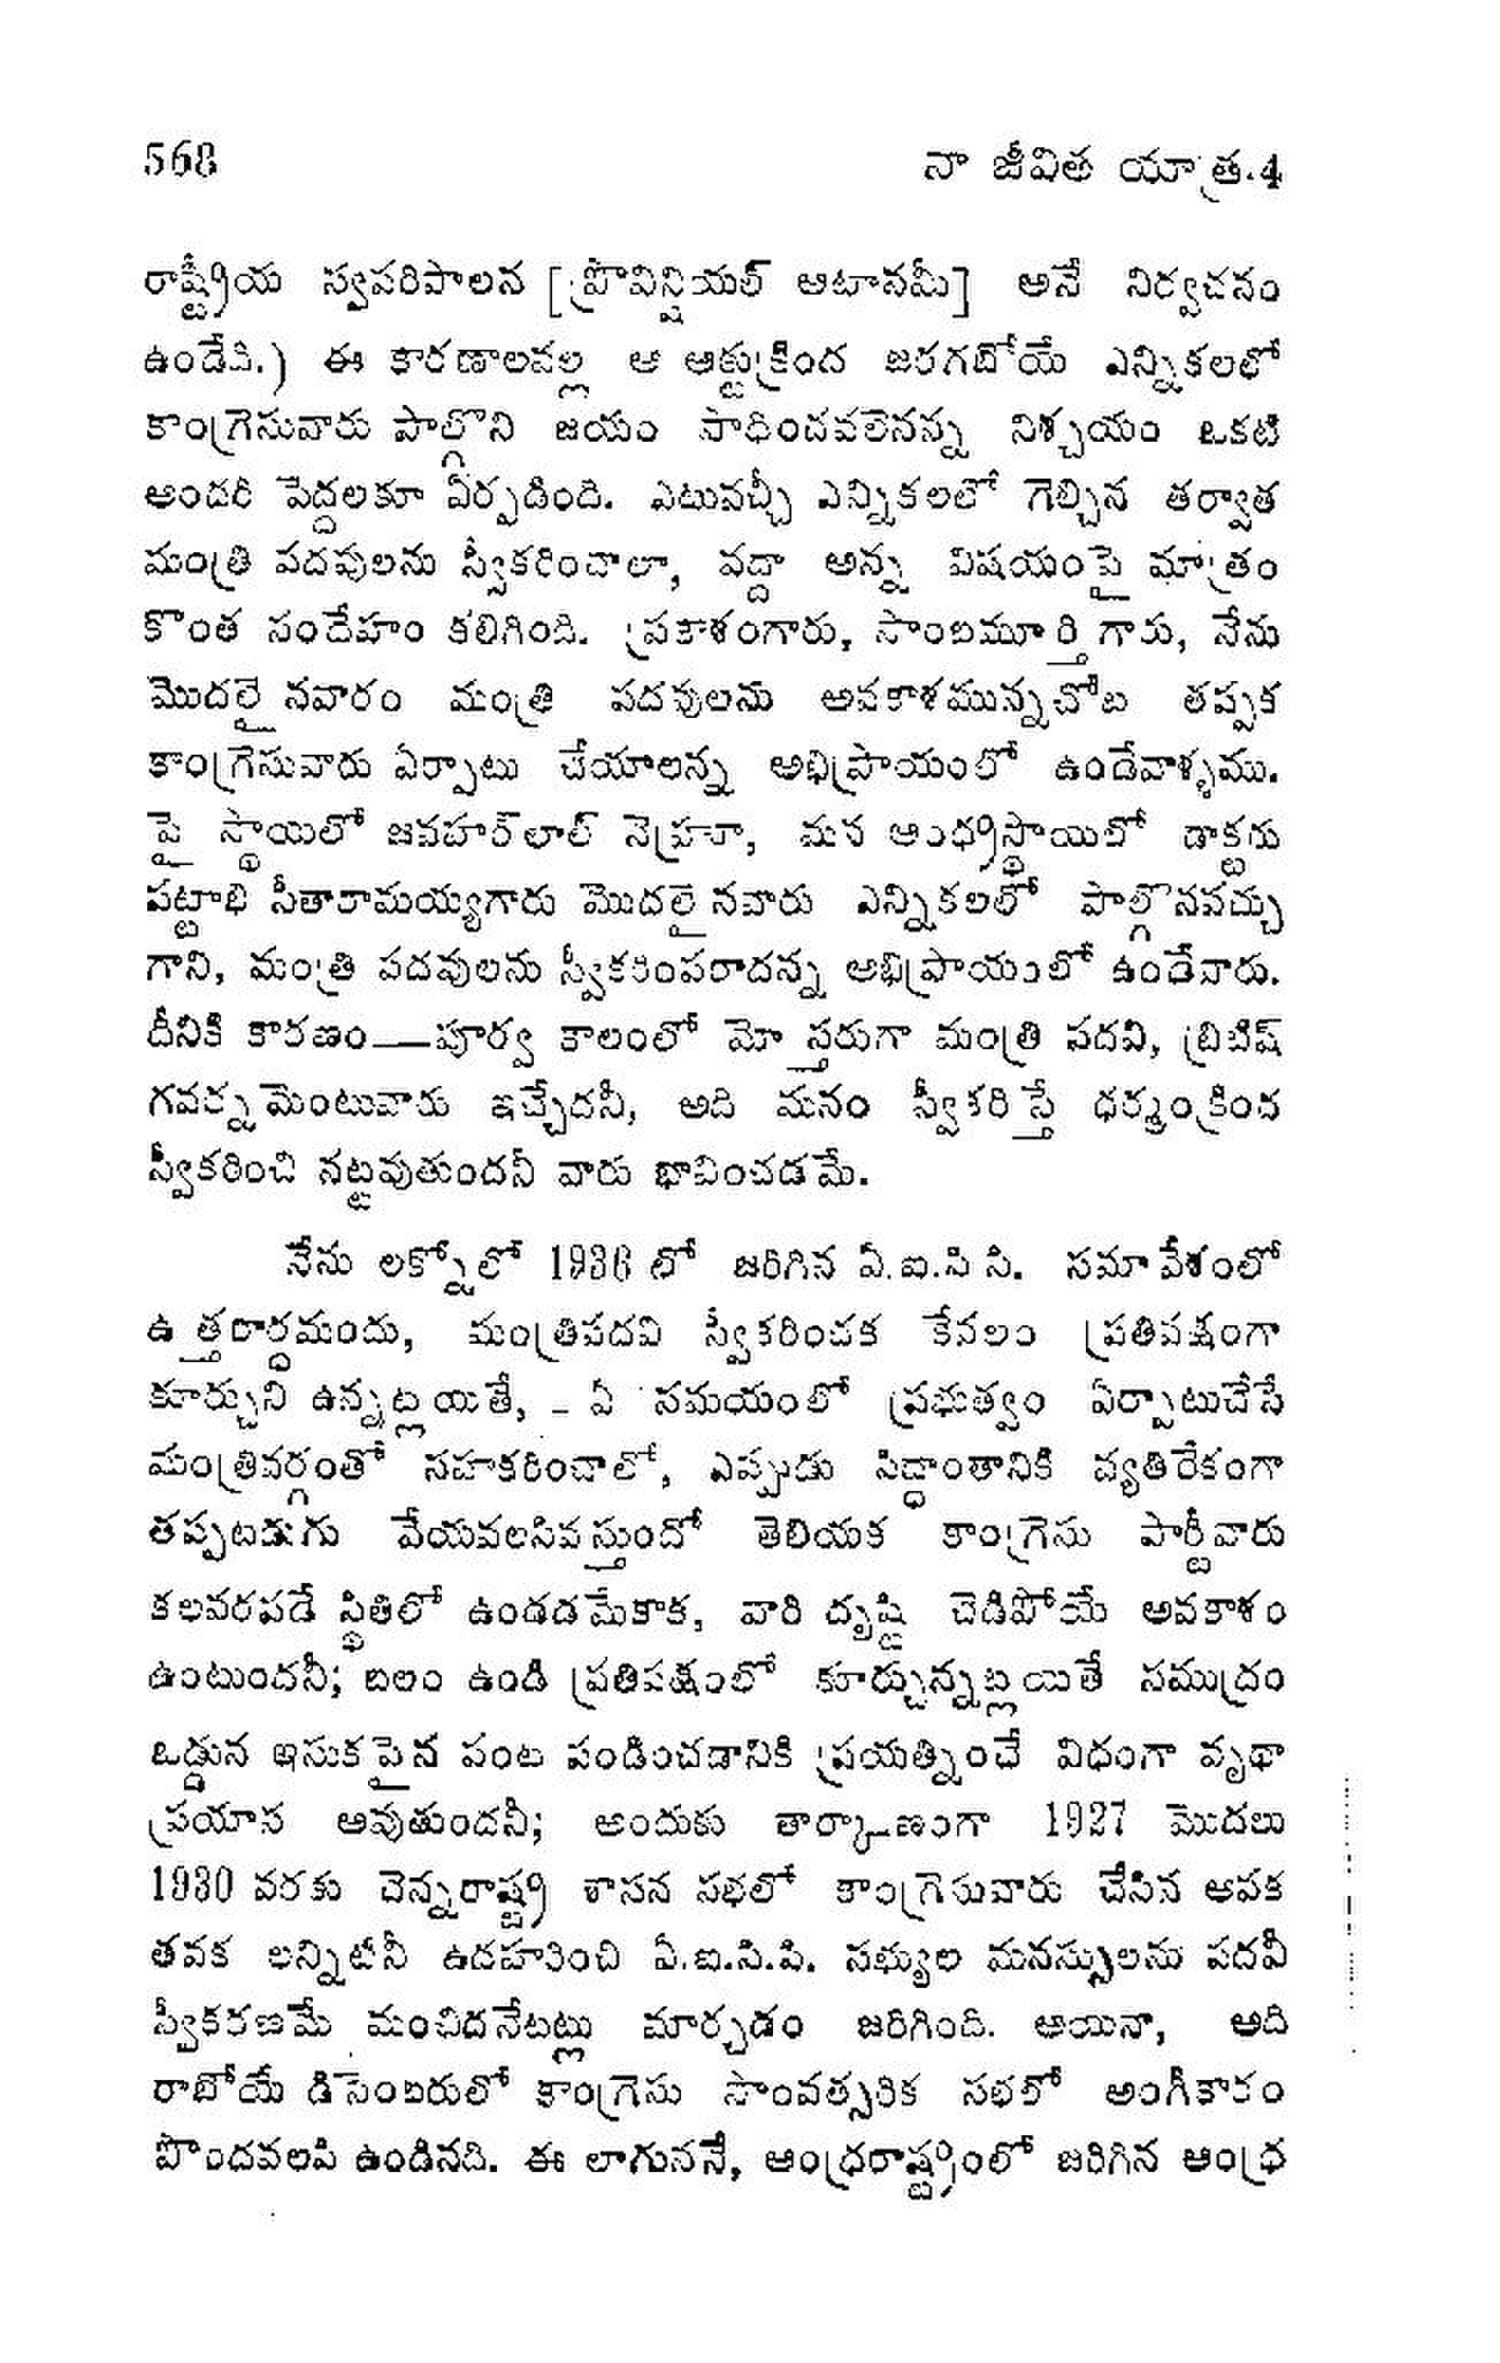రాష్ట్రీయ స్వపరిపాలన [ప్రొవిన్షియల్ అటానమీ] అనే నిర్వచనం ఉండేది.) ఈ కారణాలవల్ల ఆ ఆక్టుక్రింద జరగబోయే ఎన్నికలలో కాంగ్రెసువారు పాల్గొని జయం సాధించవలెనన్న నిశ్చయం ఒకటి అందరి పెద్దలకూ ఏర్పడింది. ఎటువచ్చీ ఎన్నికలలో గెల్చిన తర్వాత మంత్రి పదవులను స్వీకరించాలా, వద్దా అన్న విషయంపై మాత్రం కొంత సందేహం కలిగింది. ప్రకాశంగారు, సాంబమూర్తి గారు, నేను మొదలైనవారం మంత్రి పదవులను అవకాశ మున్నచోట తప్పక కాంగ్రెసువారు ఏర్పాటు చేయాలన్న అభిప్రాయంలో ఉండేవాళ్ళము. పై స్థాయిలో జవహర్‌లాల్ నెహ్రూ, మన ఆంధ్రస్థాయిలో డాక్టరు పట్టాభి సీతారామయ్యగారు మొదలైనవారు ఎన్నికలలో పాల్గొనవచ్చు గాని, మంత్రి పదవులను స్వీకరింపరాదన్న అభిప్రాయంలో ఉండేవారు. దీనికి కారణం - పూర్వ కాలంలో మోస్తరుగా మంత్రి పదవి, బ్రిటిష్ గవర్నమెంటువారు ఇచ్చేదనీ, అది మనం స్వీకరిస్తే ధర్మంక్రింద స్వీకరించి నట్టవుతుందనీ వారు భావించడమే.

నేను లక్నోలో 1936 లో జరిగిన ఏ. ఐ. సి. సి. సమావేశంలో ఉత్తరార్దమందు, మంత్రిపదవి స్వీకరించక కేవలం ప్రతిపక్షంగా కూర్చుని ఉన్నట్లయితే, - ఏ సమయంలో ప్రభుత్వం ఏర్పాటుచేసే మంత్రివర్గంతో సహకరించాలో, ఎప్పుడు సిద్ధాంతానికి వ్యతిరేకంగా తప్పటడుగు వేయవలసివస్తుందో తెలియక కాంగ్రెసు పార్టీవారు కలవరపడే స్థితిలో ఉండడమేకాక, వారి దృష్టి చెడిపోయే అవకాశం ఉంటుందనీ, బలం ఉండి ప్రతిపక్షంలో కూర్చునట్లయితే సముద్రం ఒడ్డున ఇసుకపైన పంట పండించడానికి ప్రయత్నించే విధంగా వృథా ప్రయాస అవుతందనీ; అందుకు తార్కాణంగా 1927 మొదలు 1930 వరకు చెన్నరాష్ట్ర శాసన సభలో కాంగ్రెసువారు చేసిన అవకతవక లన్నిటినీ ఉదహరించి ఏ. ఐ. సి. సి. సభ్యుల మనస్సులను పదవీ స్వీకరణమే మంచి దనేటట్లు మార్చడం జరిగింది. అయినా, అది రాబోయే డిసెంబరులో కాంగ్రెసు సాంవత్సరిక సభలో అంగీకారం పొందవలసి ఉండినది. ఈ లాగుననే, ఆంధ్రరాష్ట్రంలో జరిగిన ఆంధ్ర